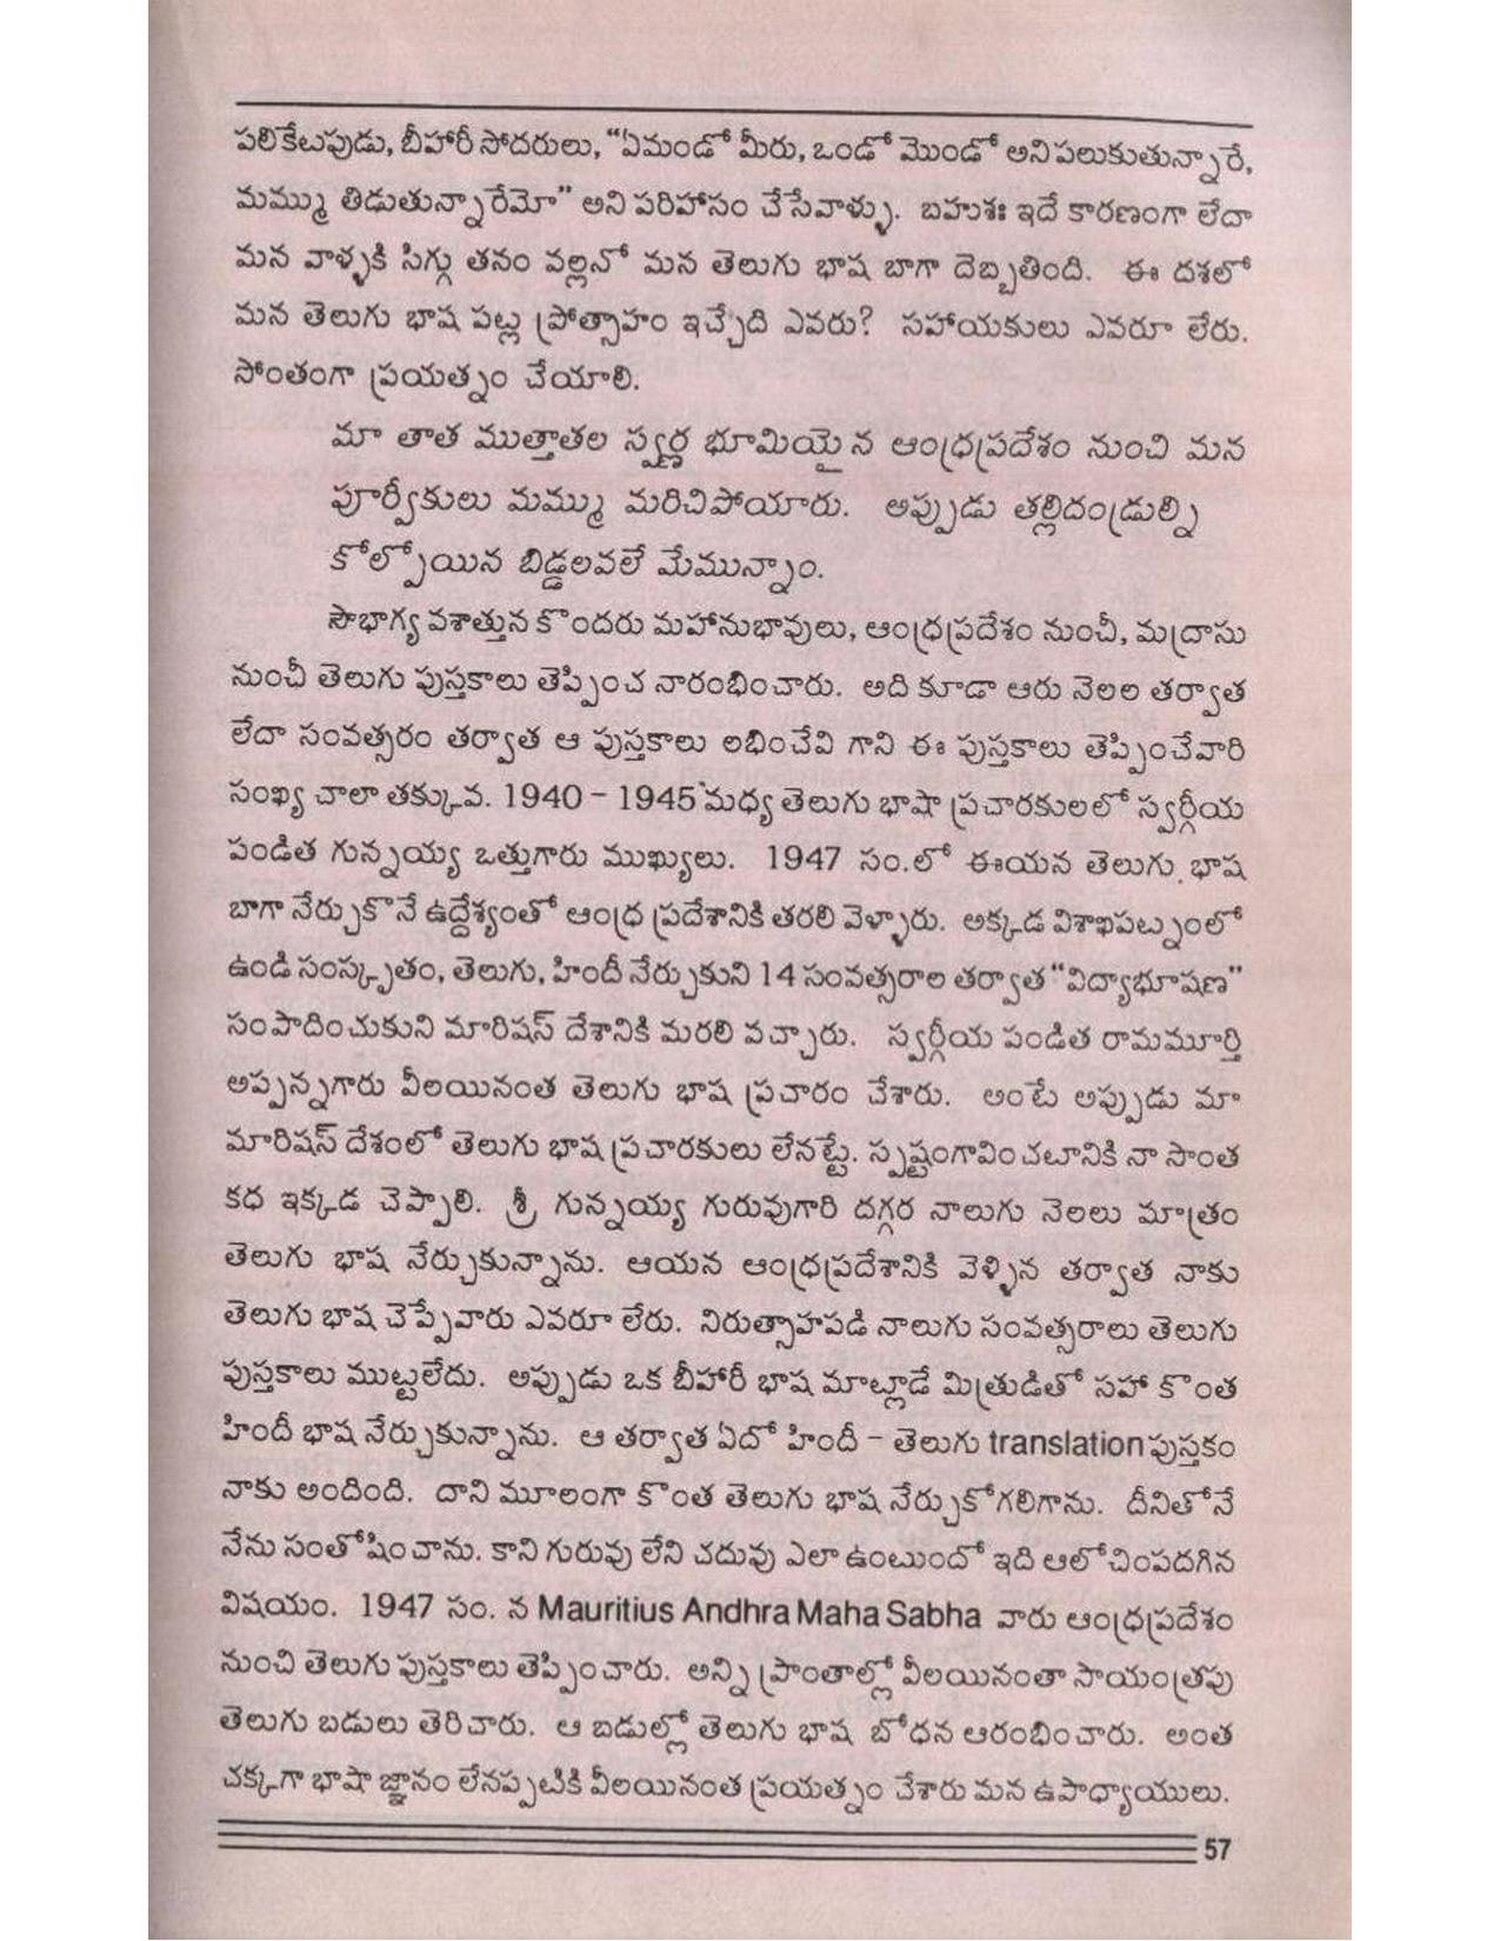పలికేటపుడు, బీహారీ సోదరులు, "ఏమండో మీరు, ఒండో మొండో అని పలుకుతున్నారే, మమ్ము తిడుతున్నారేమో" అని పరిహాసం చేసేవాళ్ళు బహుశః ఇదే కారణంగా లేదా మన వాళ్ళకి సిగ్గు తనం వల్లనో మన తెలుగు భాష బాగా దెబ్బతింది. ఈ దశలో మన తెలుగు భాష పట్ల ప్రోత్సాహం ఇచ్చేది ఎవరు? సహాయకులు ఎవరూ లేరు. సోంతంగా ప్రయత్నం చేయాలి.

మా తాత ముత్తాతల స్వర్ణభూమియైన ఆంధ్రప్రదేశం నుంచి మన పూర్వీకులు మమ్ము మరిచిపోయారు. అప్పుడు తల్లిదండ్రుల్ని కోల్పోయిన బిడ్డలవలే మేమున్నాం. 

సౌభాగ్య వశాత్తున కొందరు మహానుభావులు, ఆంధ్రప్రదేశం నుంచీ, మద్రాసు నుంచీ తెలుగు పుస్తకాలు తెప్పించ నారంభించారు. అది కూడా ఆరు నెలల తర్వాత లేదా సంవత్సరం తర్వాత ఆ పుస్తకాలు లభించేవి గాని ఈ పుస్తకాలు తెప్పించేవారి సంఖ్య చాలా తక్కువ. 1940-1945 మధ్య తెలుగు భాషా ప్రచారకులలో స్వర్గీయ పండిత గున్నయ్య ఒత్తుగారు ముఖ్యులు. 1947 సం.లో ఈయన తెలుగు భాష బాగా నేర్చుకొనే ఉద్దేశ్యంతో ఆంధ్ర ప్రదేశానికి తరలి వెళ్ళారు. అక్కడ విశాఖపట్నంలో ఉండి సంస్కృతం, తెలుగు, హిందీ నేర్చుకుని 14 సంవత్సరాల తర్వాత "విద్యాభూషణ" సంపాదించుకుని మారిషస్ దేశానికి మరలి వచ్చారు. స్వర్గీయ పండిత రామమూర్తి అప్పన్నగారు వీలయినంత తెలుగు భాష ప్రచారం చేశారు. అంటే అప్పుడు మా మారిషస్ దేశంలో తెలుగు భాష ప్రచారకులు లేనట్టే. స్పష్టంగావించటానికి నా సొంత కధ ఇక్కడ చెప్పాలి. శ్రీ గున్నయ్య గురువుగారి దగ్గర నాలుగు నెలలు మాత్రం తెలుగు భాష నేర్చుకున్నాను. ఆయన ఆంధ్రప్రదేశానికి వెళ్ళిన తర్వాత నాకు తెలుగు భాష చెప్పేవారు ఎవరూ లేరు. నిరుత్సాహపడి నాలుగు సంవత్సరాలు తెలుగు పుస్తకాలు ముట్టలేదు. అప్పుడు ఒక బీహారీ భాష మాట్లాడే మిత్రుడితో సహా కొంత హిందీ భాష నేర్చుకున్నాను. ఆ తర్వాత ఏదో హిందీ - తెలుగు translation పుస్తకం నాకు అందింది. దాని మూలంగా కొంత తెలుగు భాష నేర్చుకోగలిగాను. దీనితోనే నేను సంతోషించాను. కాని గురువు లేని చదువు ఎలా ఉంటుందో ఇది ఆలోచింపదగిన విషయం. 1947 సం, న Mauritius Andhra Maha sabha వారు ఆంధ్రప్రదేశం నుంచి తెలుగు పుస్తకాలు తెప్పించారు. అన్ని ప్రాంతాల్లో వీలయినంతా సాయంత్రపు తెలుగు బడులు తెరిచారు. ఆ బడుల్లో తెలుగు భాష బోధన ఆరంభించారు. అంత చక్కగా భాషా జ్ఞానం లేనప్పటికి వీలయినంత ప్రయత్నం చేశారు మన ఉపాధ్యాయులు.